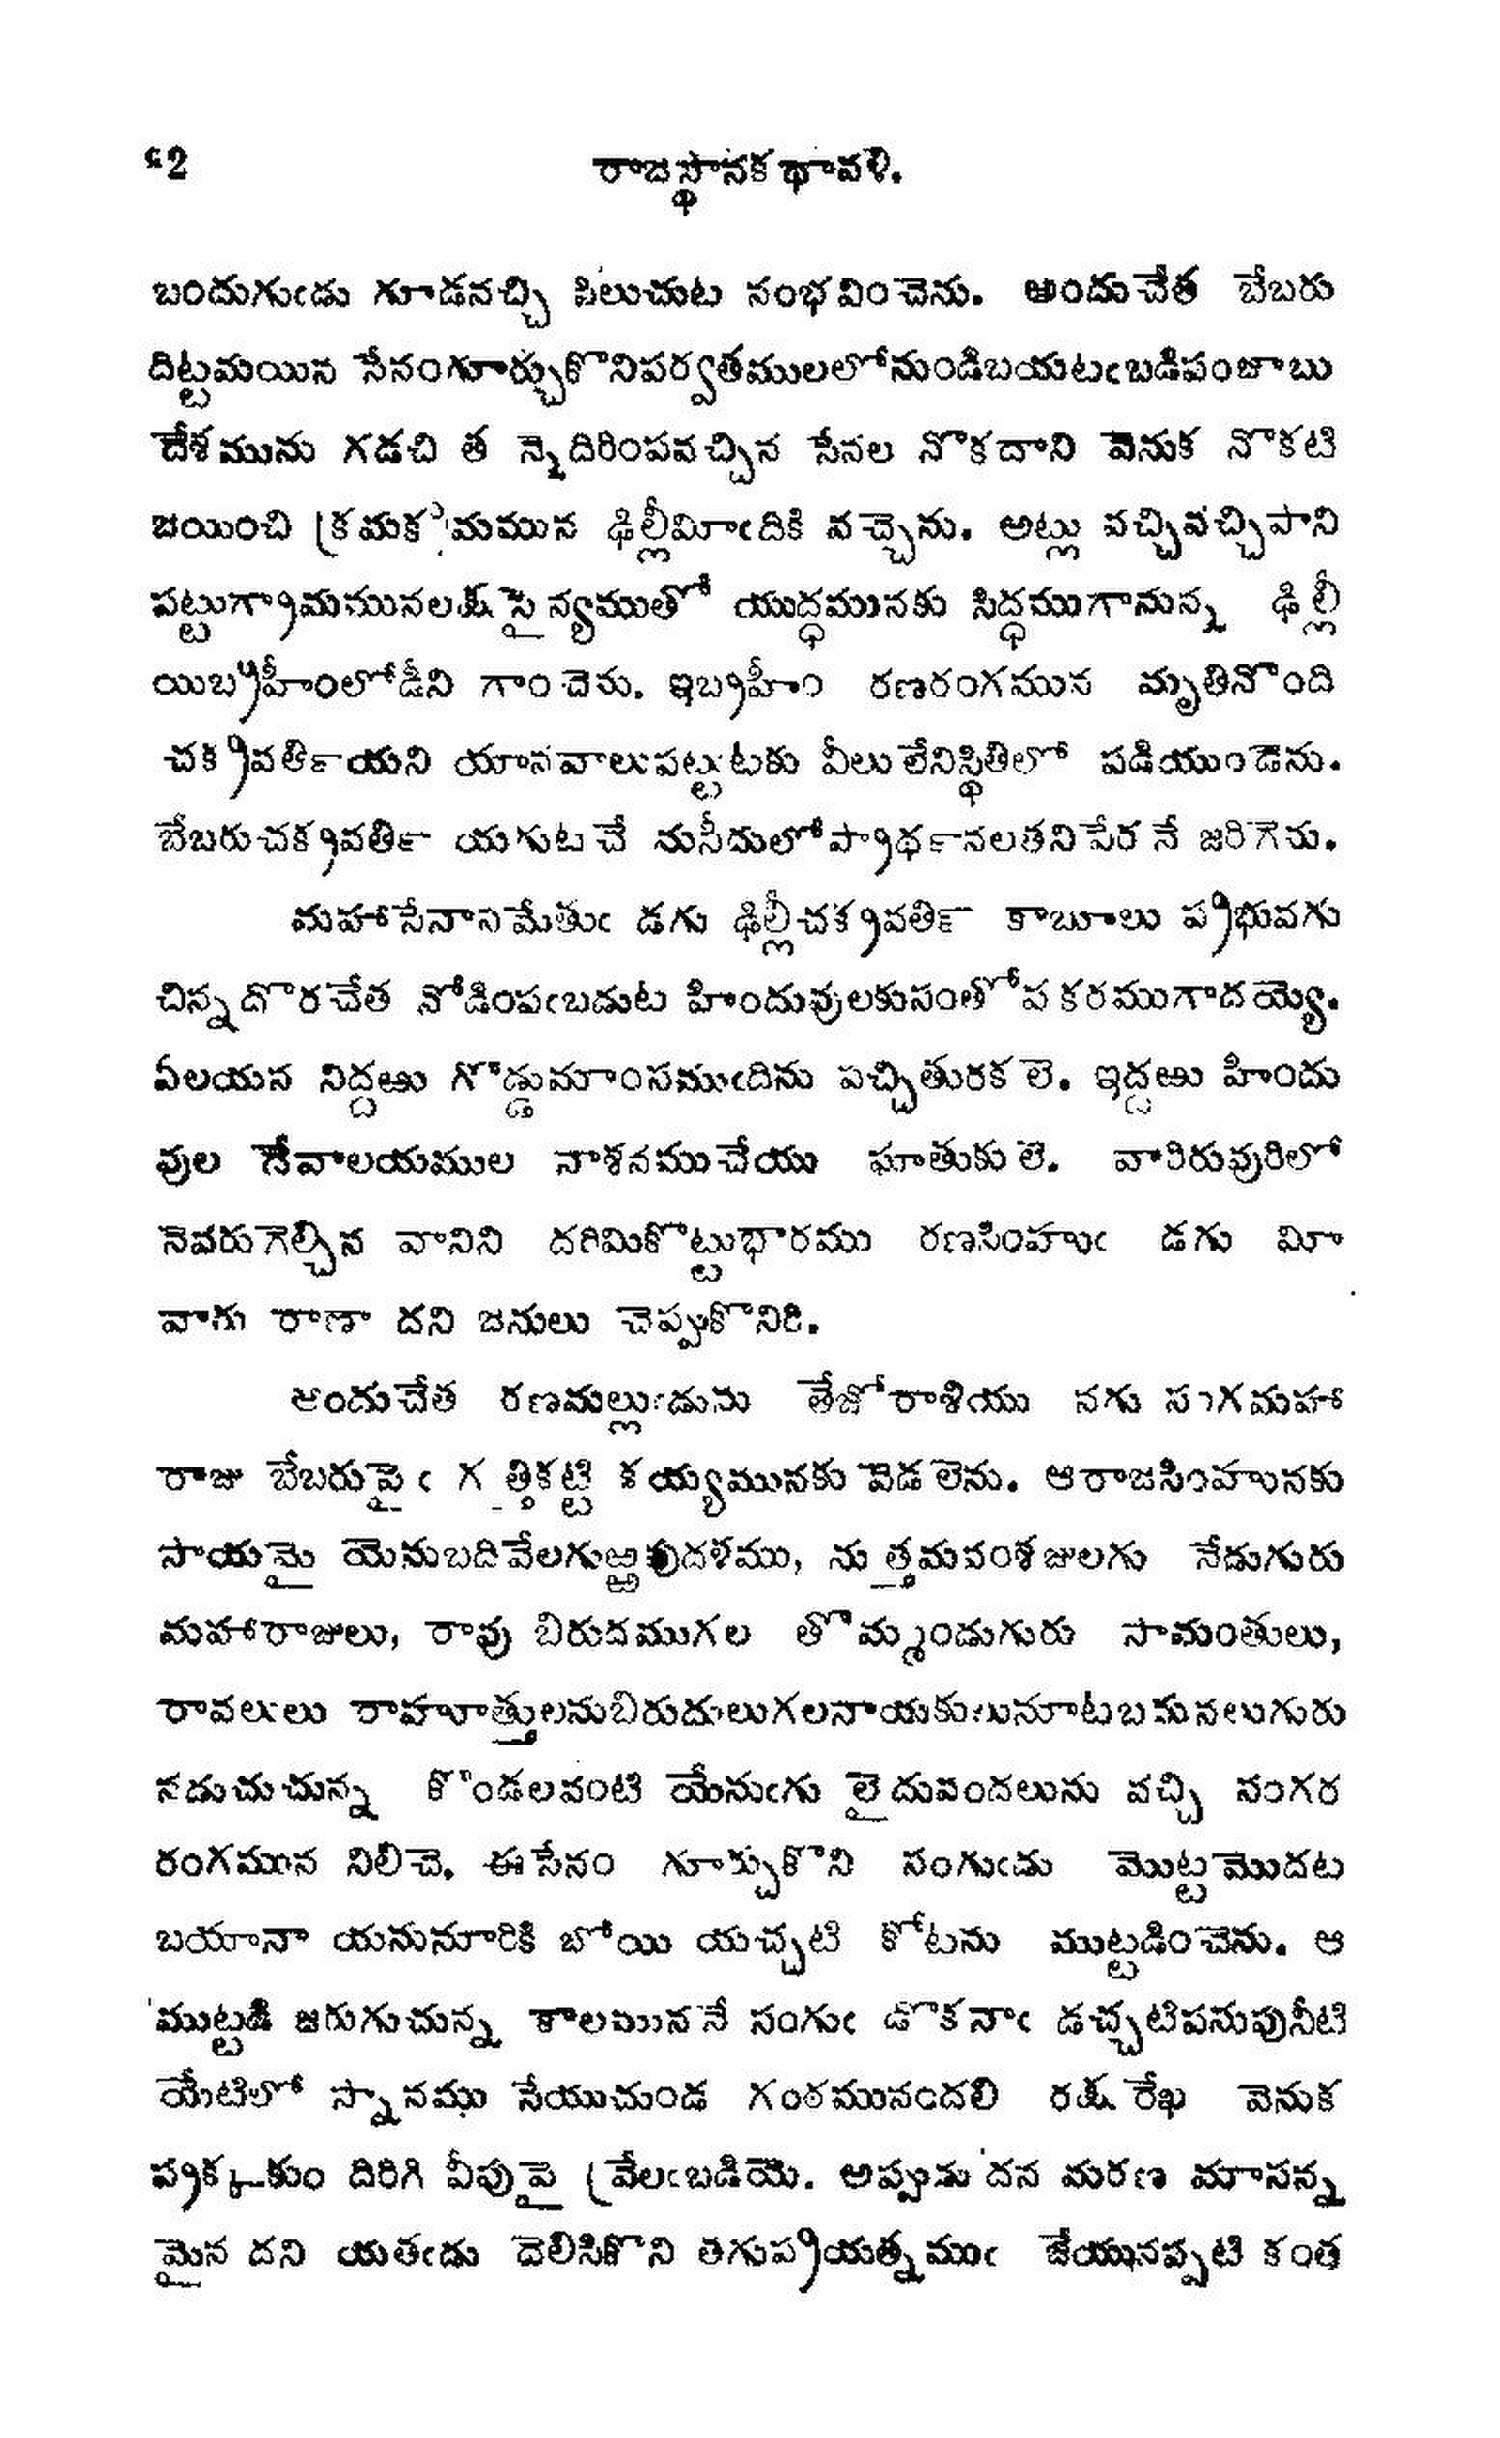బందుగుఁడు గూడనచ్చి పిలుచుట సంభవించెను. అందుచేత బేబరు దిట్టమయిన సేనం గూర్చుకొని పర్వతములలో నుండి బయటఁబడి పంజాబు దేశమును గడచి తన్నెదిరింపవచ్చిన సేనల నొకదాని వెనుక నొకటి జయించి క్రమక్రమమున ఢిల్లీ మీఁదికి వచ్చెను. అట్లు వచ్చివచ్చి పానిపట్టు గ్రామమున లక్ష సైన్యముతో యుద్ధమునకు సిద్ధముగానున్న ఢిల్లీ యిబ్రహీంలోడీని గాంచెను. ఇబ్రహీం రణరంగమున మృతినొంది చక్రవతి౯ యని యానవాలు పట్టుటకు వీలులేని స్థితిలో పడియుండెను. బేబరు చక్రవతి౯ యగుటచే మసీదులో ప్రాథ౯నలతని పేరనే జరిగెను.

మహా సేనాసమేతుఁడగు ఢిల్లీ చక్రవతి౯ కాబూలు ప్రభువగు చిన్నదొర చేత నోడింపఁబడుట హిందువులకు సంతోషకరముగాదయ్యె. ఏలయన నిద్దఱు గొడ్డు మాంసముఁదిను పచ్చి తురకలె. ఇద్దఱు హిందువుల దేవాలయముల నాశనముచేయు ఘాతుకులే. వారిరువురిలో నెవరు గెల్చిన వానిని దరిమికొట్టు భారము రణసింహుఁ డగు మీవారు రాణా దని జనులు చెప్పుకొనిరి.

అందుచేత రణమల్లుడును తేజోరాశియు నగు సంగమహారాజు బేబరు పైఁ గత్తికట్టి కయ్యమునకు వెడలెను. ఆ రాజసింహునకు సాయమై యెనుబది వేలగుఱ్ఱపుదళము, నుత్తమవంశజులగు నేడుగురు మహారాజులు, రావు బిరుదముగల తొమ్మండుగురు సామంతులు, రావలులు రాహూత్తులను బిరుదులుగల నాయకులు నూటబదునలుగురు నడుచుచున్న కొండలవంటి యేనుఁగు లైదువందలును వచ్చి సంగర
రంగమున నిలిచె, ఈ సేనం గూర్చుకొని సంగుఁడు మొట్టమొదట బయానా యనునూరికి బోయి యచ్చటి కోటను ముట్టడించెను. ఆ
ముట్టడి జరుగుచున్న కాలమున నే సంగుఁ డొక నాఁ డచ్చటి పసుపునీటి యేటిలో స్నానము సేయుచుండ గంఠమునందలి రక్ష రేఖ వెనుక
పక్కకుం దిరిగి వీపుపై వ్రేలఁ బడియె. అప్పుడు దన మరణ మాసన్నమైనదని యతఁడు దెలిసికొని తగుప్రయత్నముఁ జేయునప్పటి కంత